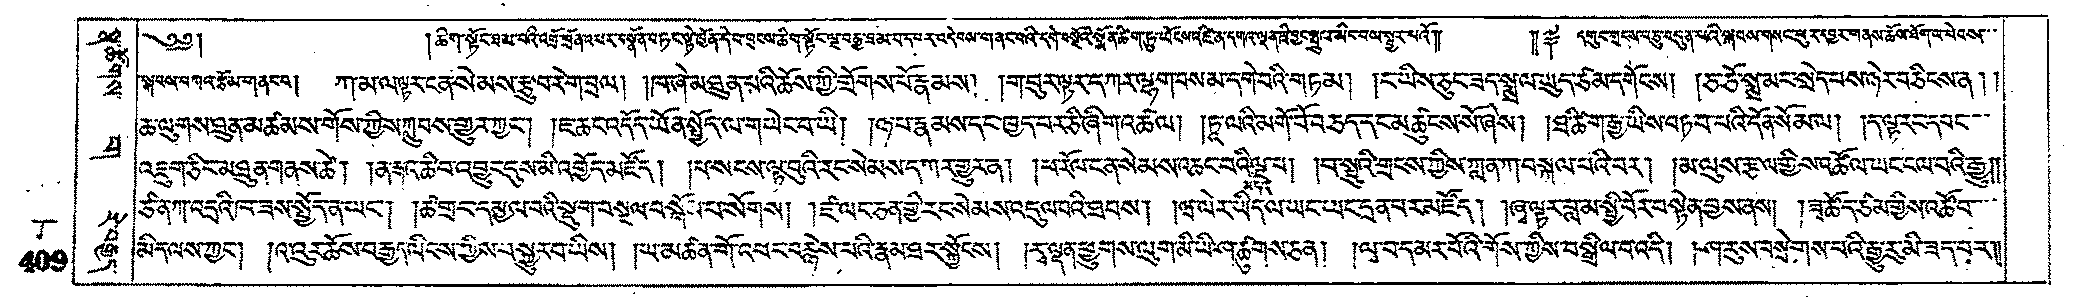༄༅། །ཆིག་སྟོང་ཐམ་པའི་འགྲོ་གྲོན་འཕར་བསྣོན་བཏང་སྟེ་ཁྱོན་དེབ་གྲངས་ཚིག་སྟོང་ལྔ་བརྒྱ་ཐམ་པ་དཔར་འདེབས་གནང་བའི་དགེ་བསྔོའི་སྨོན་ཚིག་ཏུ་ཡོངས་འཛིན་དགའ་ལྡན་ཁྲི་བྱང་སྤྲུལ་མིང་བས་སྦྱར་པའོ།། །།འདྒུང་གྲངས་བཅུ་བདུན་པའི་སྐབས་གསང་ཕུར་དབྱར་གནས་ཆོས་ཐོག་ལ་ཕེབས་་་
སྐབས་བཀའ་རྩོམ་གནང་བ། ཀ་མ་ལ་ལྟར་ངན་སེམས་རྩུབ་རེག་བྲལ། །ཁ་ཞེ་མཐུན་པའི་ཆོས་ཀྱི་གྲོགས་པོ་རྣམས། །ག་བུར་ལྟར་དཀར་ལྷག་བསམ་དགེ་བའི་གཏམ། །ང་ཡིས་ཅུང་ཟད་སྨྲ་ལ་ཡུད་ཙམ་དགོངས། །ཅ་ཅོ་སྨྲ་མང་སྲེད་པས་ཉེར་བཅིངས་ན། །
ཆ་ལུགས་ཐུན་མཚམས་གོས་ཀྱིས་ཀླུབས་གྱུར་ཀྱང་། །ཇ་ཆང་འདོད་ཡོན་སྤྱོད་ལ་གཡེང་བ་ཡི། །ཉ་པ་རྣམས་དང་ཁྱད་པར་ཅི་ཞིག་འཚལ། །ཏཱ་ལའི་མགོ་བོ་བཅད་དང་མཚུངས་སོ་ཞེས། །ཐ་ཚིག་རྒྱ་ཡིས་བཏབ་པའི་དོན་སོམ་ལ། །ད་ལྟ་རང་དབང་་་
འཇུག་ཅིང་མཐུན་གནས་ཚེ། །ན་རྒ་འཆི་བ་འབྱུང་དུས་མི་འགྱོད་མཛོད། །པ་སངས་ལྟ་བུའི་རང་སེམས་དཀར་གྱུར་ན། །ཕ་རོལ་ངན་སེམས་འཆང་བའི་མདའ་ལྔ་པ། །བ་སྤུའི་གྲངས་ཀྱིས་ཀླན་ཀ་བསྐལ་པའི་བར། །མ་ལུས་རྩལ་གྱིས་འཚོལ་ཡང་ངལ་བའི་རྒྱུ།།
ཙ་ན་ཀ་འདྲའི་ཁ་ཟས་སྤྱོད་ན་ཡང་། །ཚ་གྲང་དམྱལ་བའི་སྡུག་བསྔལ་བསྒོམ་པ་སོགས། །ཛ་ལང་ཅན་གྱི་རང་སེམས་འདུལ་བའི་ཐབས། །ཝ་ལེར་ཡིད་ལ་ཡང་ཡང་དྲན་པར་མཛོད། །ཞྭ་ལྟར་བླ་མ་སྤྱི་བོར་བསྟེན་བྱས་ནས། །ཟྭ་ཚོད་ཙམ་གྱིས་འཚོ་བ་་་
མིད་ལས་ཀྱང་། །འ་འུར་ཆོས་བརྒྱད་ལིངས་ཀྱིས་བསྐྱུར་བ་ཡིས། །ཡ་མཚན་གོ་འཕང་བརྙེན་པའི་རྣམ་ཐར་སྐྱོངས། །རྭ་ལྡན་ཕྱུགས་ལུག་མི་ཡི་ཤ་ཚུགས་ཅན། །ལྭ་བ་དམར་པོའི་གོས་ཀྱིས་བསྒྲིལ་བ་འདི། །ཤ་རུས་བསྲེགས་པའི་རྒྱུ་རུ་མི་ཟད་པར།།